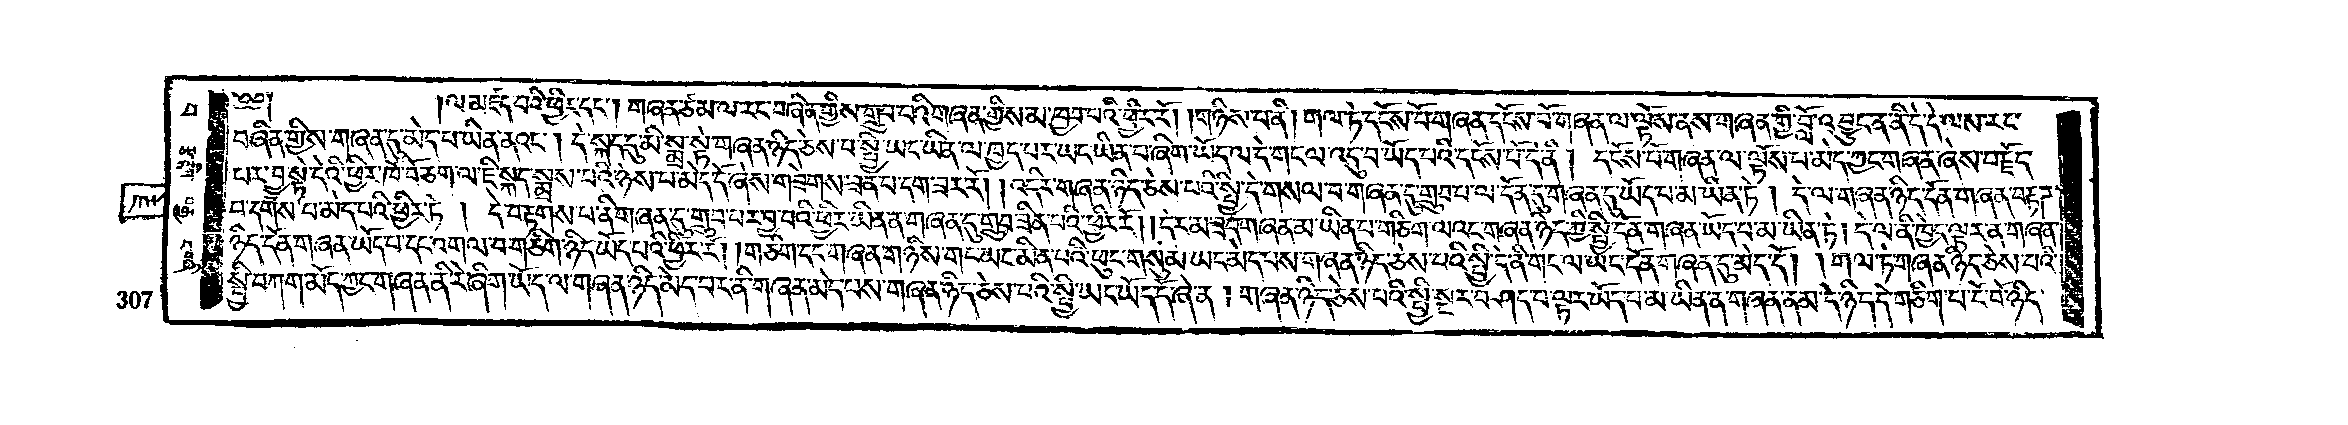༄༅། །ལ་མཛད་པའི་ཕྱིར་དང་། གཞན་ཙམ་ལ་རང་བཞིན་གྱིས་གྲུབ་པའི་གཞན་གྱིས་མ་ཁྱབ་པའི་ཕྱིར་རོ། །གཉིས་པ་ནི། གལ་ཏེ་དངོས་པོ་གཞན་དངོས་པོ་གཞན་ལ་ལྟོས་ནས་གཞན་གྱི་བློ་འབྱུང་ན་ནི་དེ་དེ་ལས་རང་
བཞིན་གྱིས་གཞན་དུ་མེད་པ་ཡིན་ནའང་། དེ་སྐད་དུ་མི་སྨྲ་སྟེ་གཞན་ཉིད་ཅེས་པ་སྤྱི་ཡང་ཡིན་ལ་ཁྱད་པར་ཡང་ཡིན་པ་ཞིག་ཡོད་ལ་དེ་གང་ལ་འདུ་བ་ཡོད་པའི་དངོས་པོ་དེ་ནི། དངོས་པོ་གཞན་ལ་ལྟོས་པ་མེད་ཀྱང་གཞན་ཞེས་བརྗོད་
པར་བྱ་སྟེ་དེའི་ཕྱིར་ཁོ་བོ་ཅག་ལ་ཇི་སྐད་སྨྲས་པའི་ཉེས་པ་མེད་དོ་ཞེས་གཟིགས་ཟན་པ་དག་ཟར་ར། །འདིར་གཞན་ཉིད་ཅེས་པའི་སྤྱི་དེ་གསལ་བ་གཞན་དུ་གྲུབ་པ་ལ་དོན་དུ་གཞན་དུ་ཡོད་པ་མ་ཡིན་ཏེ། དེ་ལ་གཞན་ཉིད་དོན་གཞན་བརྟཌ་
པ་དགོས་པ་མེད་པའི་ཕྱིར་ཏེ། དེ་བརྟགས་པ་ནི་གཞན་དུ་གྲུབ་པར་བྱ་བའི་ཕྱིར་ཡིན་ན་གཞན་དུ་གྲུབ་ཟིན་པའི་ཕྱིར་རོ། །དེར་མ་ཟད་གཞན་མ་ཡིན་པ་གཅིག་ལའང་གཞན་ཉིད་ཀྱི་སྤྱི་དོན་གཞན་ཡོད་པ་མ་ཡིན་ཏེ། དེ་ལ་ནི་ཁྱེད་ལྟར་ན་གཞན་
ཉིད་དོན་གཞན་ཡོད་པ་དང་འགལ་བ་གཅིག་ཉིད་ཡོད་པའི་ཕྱིར་རོ། །གཅིག་དང་གཞན་གཉིས་གང་ཡང་མིན་པའི་ཕུང་གསུམ་ཡང་མེད་པས་གཞན་ཉིད་ཅེས་པའི་སྤྱི་དེ་ནི་གང་ལ་ཡང་དོན་གཞན་དུ་མེད་དོ། །གལ་ཏེ་གཞན་ཉིད་ཅེས་པའི་
སྤྱི་བཀག་མོད་ཀྱང་གཞན་ནི་རེ་ཞིག་ཡོད་ལ་གཞན་ཉིད་མེད་པར་ནི་གཞན་མེད་པས་གཞན་ཉིད་ཅེས་པའི་སྤྱི་ཡང་ཡོད་དོ་ཞེ་ན། གཞན་ཉིད་ཅེས་པའི་སྤྱི་སྔར་བཤད་པ་ལྟར་ཡོད་པ་མ་ཡིན་ན་གཞན་ནམ་དེ་ཉིད་དེ་གཅིག་པ་ངོ་བོ་ཉིད་